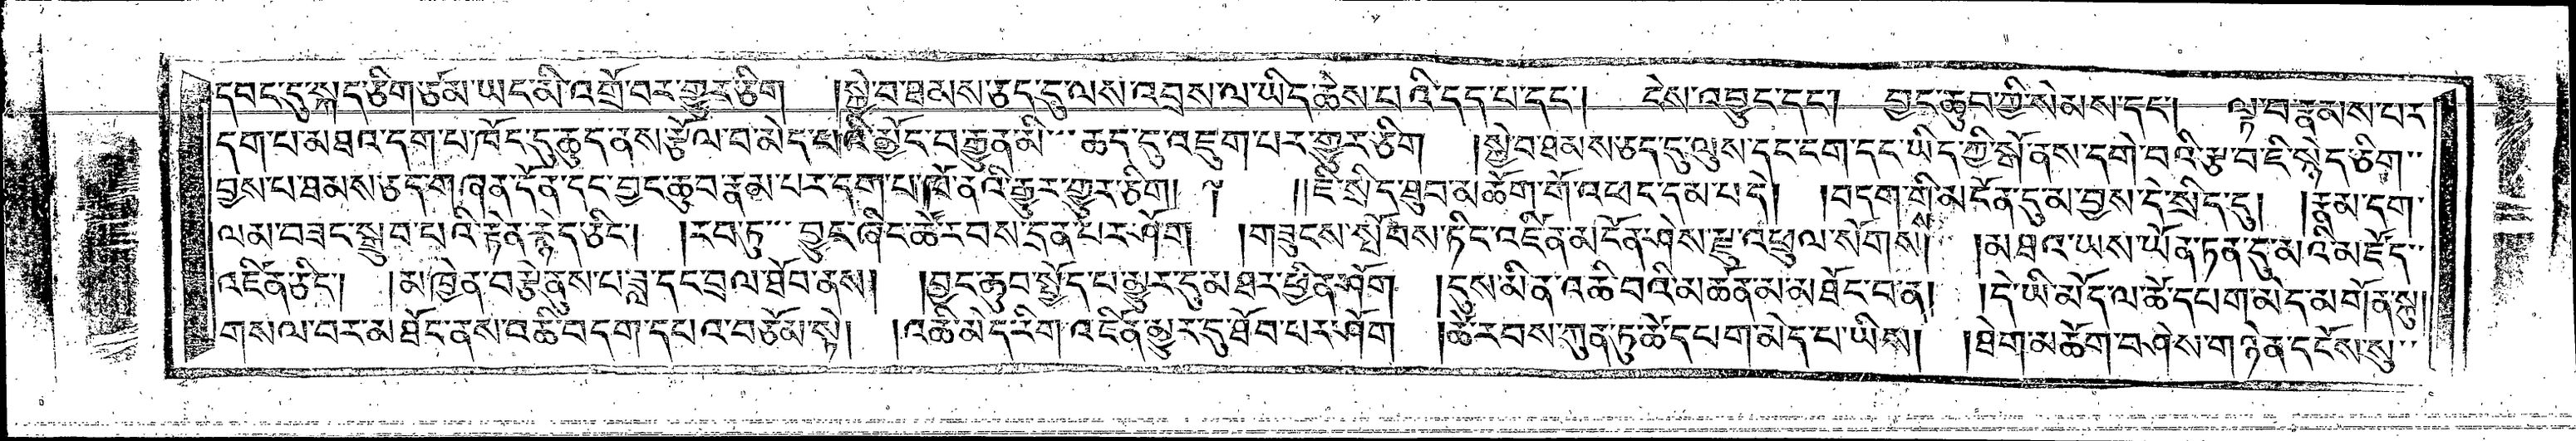དབང་དུ་སྐད་ཅིག་ཙམ་ཡང་མི་འགྲོ་བར་གྱུར་ཅིག །སྐྱེ་བ་ཐམས་ཅད་དུ་ལས་འབྲས་ལ་ཡིད་ཆེས་པའི་དད་པ་དང་། ངེས་འབྱུང་དང་། བྱང་ཆུབ་ཀྱི་སེམས་དང་། ལྟ་བ་རྣམས་པར་
དག་པ་མཐའ་དག་པ་ཁོང་དུ་ཆུད་ནས་རྩོལ་བ་མེད་པའི་མྱོང་བ་རྒྱུན་མི་ཆད་དུ་འཇུག་པར་གྱུར་ཅིག །སྐྱེ་བ་ཐམས་ཅད་དུ་ལུས་དང་ངག་དང་ཡིད་ཀྱི་སྒོ་ནས་དགེ་བའི་རྩ་བ་ཇི་སྙེད་ཅིག་
བྱས་པ་ཐམས་ཅད་གཞན་དོན་དང་བྱང་ཆུབ་རྣམ་པར་དག་པ་ཁོ་ནའི་རྒྱུར་གྱུར་ཅིག ། ༈ །ཇི་སྲིད་ཐུབ་མཆོག་གོ་འཕང་དམ་པ་དེ། །བདག་གིས་མངོན་དུ་མ་བྱས་དེ་སྲིད་དུ། །རྣམ་དག་
ལམ་བཟང་སྒྲུབ་པའི་རྟེན་རྙེད་ཅིང་། །རབ་ཏུ་བྱུང་ཞིང་ཚེ་རབས་དྲན་པར་ཤོག །གཟུངས་སྤོབས་ཏིང་འཛིན་མངོན་ཤེས་རྫུ་འཕྲུལ་སོགས། །མཐའ་ཡས་ཡོན་ཏན་དུ་མའི་མཛོད་
འཛིན་ཅིང་། །མཁྱེན་བརྩེ་ནུས་པ་ཟླ་དང་བྲལ་ཐོབ་ནས། །བྱང་ཆུབ་སྤྱོད་པ་མྱུར་དུ་མཐར་ཕྱིན་ཤོག །དུས་མིན་འཆི་བའི་མཚན་མ་མཐོང་བ་ན། །དེ་ཡི་མོད་ལ་ཚེ་དཔག་མེད་མགོན་སྐུ།
གསལ་བར་མཐོང་ནས་འཆི་བདག་དཔའ་བཅོམ་སྟེ། །འཆི་མེད་རིག་འཛིན་མྱུར་དུ་ཐོབ་པར་ཤོག །ཚེ་རབས་ཀུན་ཏུ་ཚེ་དཔག་མེད་པ་ཡིས། །ཐེག་མཆོག་བཤེས་གཉེན་དངོས་སུ་